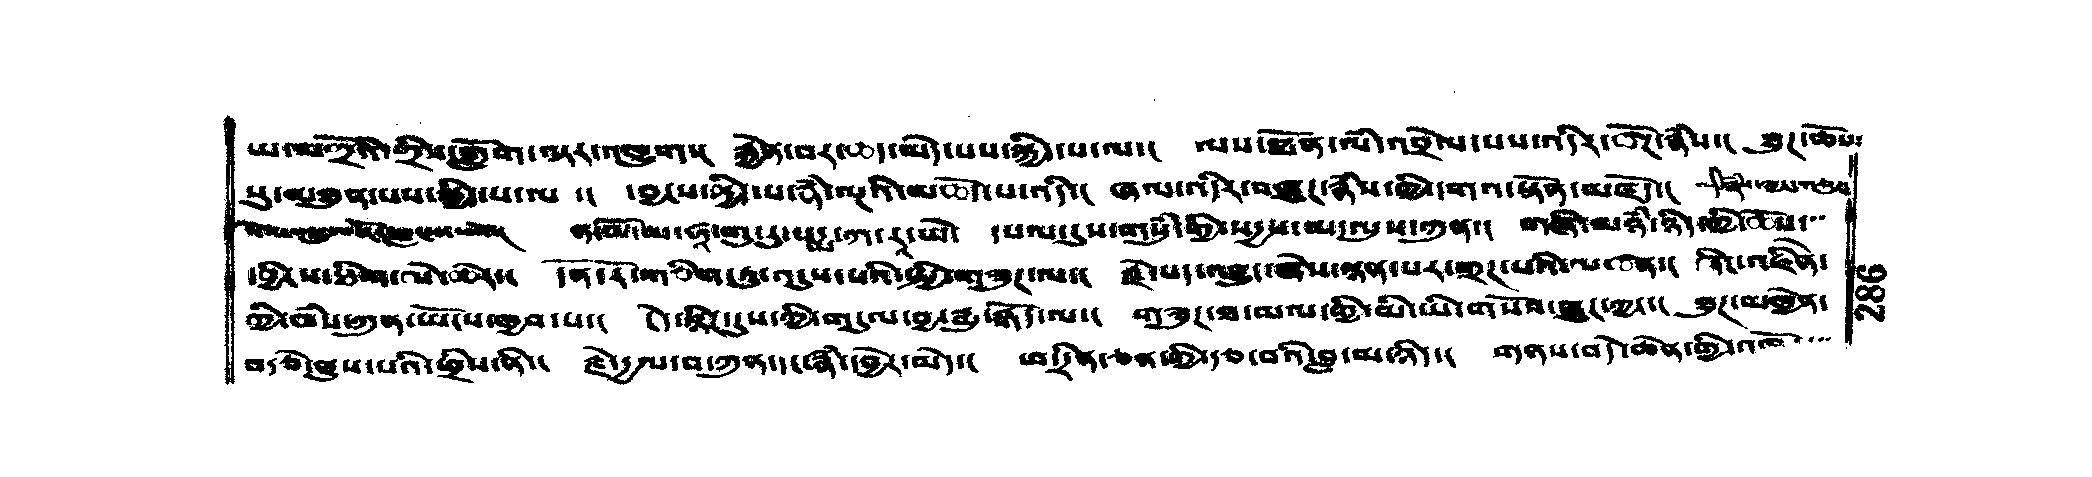།མ་མཁའ་འགྲོའི་ཕྲིན་ལས་གློག་ལྟར་འཁྱུག །རྐྱེན་བར་ཆད་མེད་པས་སྐྱིད་པ་ལ། །ལས་སྨོན་ལམ་འབྲེལ་པས་འདིར་ཚོགས་རྣམས། །ཐུགས་ཆོས་
སུ་མཐུན་པས་སྐྱིད་པ་ལ། །དབྱངས་སྐྱིད་པ་རྣམ་ལྔའི་མཆོད་པ་འདི། །ཞལ་འདིར་བཞུགས་རྣམས་ཀྱི་དགའ་སྟོན་མཛོད། འདི་རྣམས་ཀྱང་གཅུང་
པོས་བསྐུལ་བའི་ངོར་བླངས་པའོ། ན་མོ་མཧཱ་གུ་རུ་པདྨ་ཀ་རཱ་ཡེ། དཔལ་དུས་གསུམ་གྱི་སངས་རྒྱས་མ་ལུས་ཀུན། །གཞི་མཉམ་ཉིད་ཀྱི་ཆོས་
དབྱིངས་ཐིག་ལེ་ཆེར། །དོན་རོ་གཅིག་ཏུ་འདུས་པའི་སྤྱི་གཟུགས་ལ། །རྗེ་པད་འབྱུང་ཞེས་སྙན་པར་གྲགས་པའི་མཚན། །ཞིང་འཇིག་རྟེན་
གྱི་ཁམས་ཀུན་ཡོངས་ཁྱབ་པ། །ངེད་སྙིགས་དུས་ཀྱི་གདུལ་བྱ་རྨུ་རྒོད་ལ། །གཟུགས་ཐ་མལ་གྱི་མི་ཡི་གསོབ་ཞུགས་ཀྱང་། །ཐུགས་མཁྱེན་
བརྩེ་ནུས་པའི་ཕྲིན་ལས་ནི། །རྗེ་རྒྱལ་བ་ཀུན་དང་རྣམ་དབྱེར་མེད། །ཕ་དྲིན་ཅན་གྱི་རྩ་བའི་བླ་མ་ཉིད། །གནས་བདེ་ཆེན་གྱི་འཁོར་